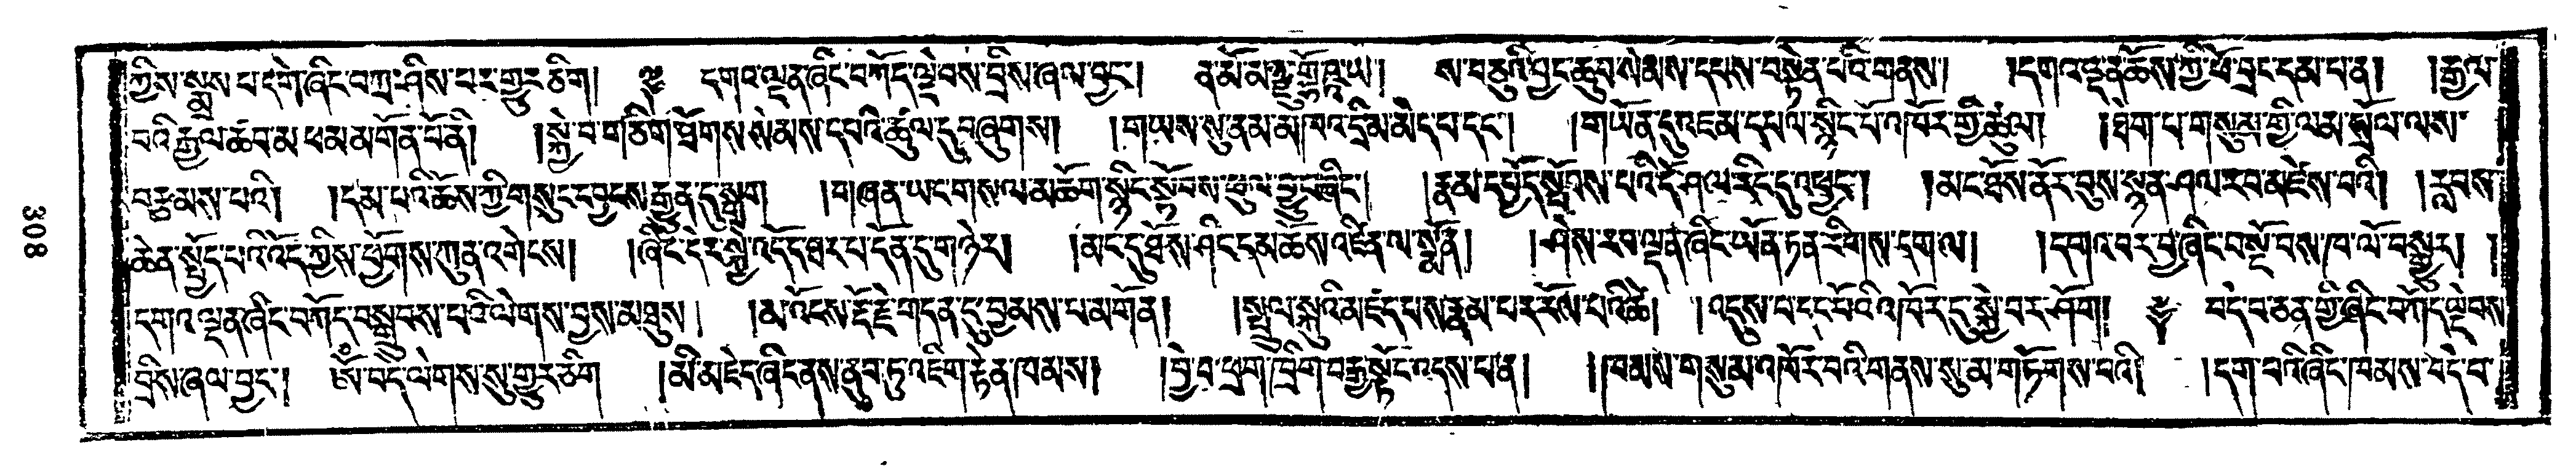ཀྱིས་སྨྲས་པ་དགེ་ཞིང་བཀྲ་ཤིས་པར་གྱུར་ཅིག། ༈ དགའ་ལྡན་ཞིང་བཀོད་ལྡེ་བས་བྲིས་ཞལ་བྱང་། ན་མོ་མཉྫུ་གྷོ་ཥཱ་ཡ། ས་བཅུའི་བྱང་ཆུབ་སེམས་དཔས་བསྟེན་པའི་གནས། །དགའ་ལྡན་ཆོས་ཀྱི་ཕོ་བྲང་དམ་པ་ན། །རྒྱལ་
བའི་རྒྱལ་ཚབ་མ་ཕམ་མགོན་པོ་ནི། །སྐྱེ་བ་གཅིག་ཐོགས་སེམས་དཔའི་ཚུལ་དུ་བཞུགས། །གཡས་སུ་ནམ་མཁའ་དྲི་མ་མེད་པ་དང་། །གཡོན་དུ་འཇམ་དཔལ་སྙིང་པོ་འཁོར་གྱི་ཚུལ། །ཐེག་པ་གསུམ་གྱི་ལམ་སྲོལ་ལས་
བརྩམས་པའི། །དམ་པའི་ཆོས་ཀྱི་གསུང་དབྱངས་རྒྱུན་དུ་སྒྲག །གཞན་ཡང་གསལ་མཆོག་སྙིང་སྟོབས་ཕུལ་བྱུང་ཞིང་། །རྣམ་དཔྱོད་སྤོབས་པའི་དོ་ཤལ་རིང་དུ་འཕྱང་། །མང་ཐོས་ནོར་བུས་སྙན་ཤལ་རབ་མཛེས་པའི། །རླབས་
ཆེན་སྤྱོད་པའི་འོད་ཀྱིས་ཕྱོགས་ཀུན་འགེངས། །ཞིང་དེར་སྐྱེ་འདོད་ཐར་པ་དོན་དུ་གཉེར། །མང་དུ་ཐོས་ཤིང་དམ་ཆོས་འཛིན་ལ་སྨོན། །ཤེས་རབ་ལྡན་ཞིང་ཡོན་ཏན་རིགས་དག་ལ། །དགའ་བར་བྱ་ཞིང་བསྔོ་བས་ཁ་ལོ་བསྒྱུར།།
དགའ་ལྡན་ཞིང་བཀོད་བསྒྲུབས་པའི་ལེགས་བྱས་མཐུས། །མ་འོངས་རྡོ་རྗེ་གདན་དུ་བྱམས་པ་མགོན། །སྤྲུལ་སྐུའི་མཛད་པས་རྣམ་པར་རོལ་པའི་ཚེ། །འདུས་པ་དང་པོའི་འཁོར་དུ་སྐྱེ་བར་ཤོག། ༈ བདེ་བ་ཅན་གྱི་ཞིང་བཀོད་ལྡེབས་
བྲིས་ཞལ་བྱང་། ཨོཾ་བདེ་ལེགས་སུ་གྱུར་ཅིག །མི་མཇེད་ཞིང་ནས་ནུབ་ཏུ་འཇིག་རྟེན་ཁམས། །བྱེ་བ་ཕྲག་ཁྲིག་བརྒྱ་སྟོང་འདས་པ་ན། །ཁམས་གསུམ་འཁོར་བའི་གནས་སུ་མ་གཏོགས་པའི། །དག་པའི་ཞིང་ཁམས་བདེ་བ་